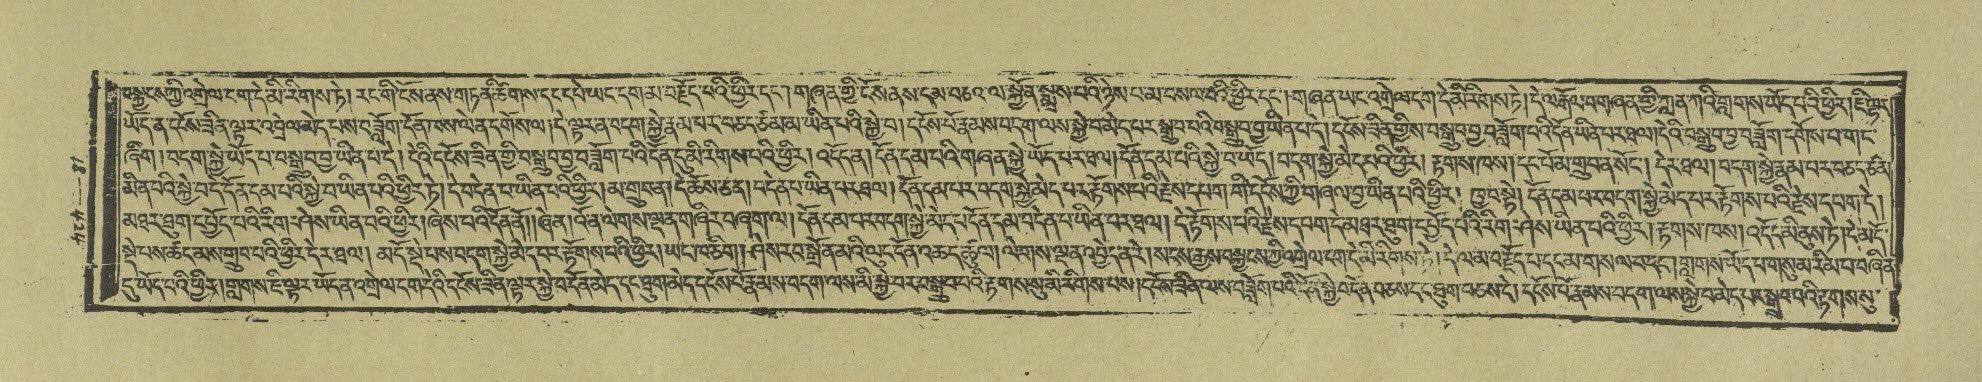བསྐྱངས་ཀྱི་འགྲེལ་ངག་དེ་མི་རིགས་ཏེ། རང་གི་ངོས་ནས་གཏན་ཚིགས་དང་དཔེ་ཡང་དག་མ་བརྗོད་པའི་ཕྱིར་དང་། གཞན་གྱི་ངོས་ནས་དམ་བཅའ་ལ་སྐྱོན་སྨྲས་པའི་ཉེས་པ་མ་བསལ་བའི་ཕྱིར་དང་། གཞན་ཡང་འགྲེལ་ངག་དེ་མི་རིགས་ཏེ། དེ་ལ་རྒོལ་བ་གཞན་གྱི་ཀླན་ཀའི་གླགས་ཡོད་པའི་ཕྱིར། ཇི་ལྟར་
ཡོད་ན་དངོས་ཟིན་ལྟར་འབྲེལ་མེད་པས་བཟློག་དོན་ཁས་ལེན་དགོས་ལ། དེ་ལྟར་ན་བདག་སྐྱེ་རྣམ་པར་བཅད་ཙམ་མ་ཡིན་པའི་སྐྱེ་བ། དངོས་པོ་རྣམས་བདག་ལས་སྐྱེ་བ་མེད་པར་སྒྲུབ་པའི་བསྒྲུབ་བྱ་ཡིན་པ་དེ། དངོས་ཟིན་གྱིས་བསྒྲུབ་བྱ་བཟློག་པའི་དོན་ཡིན་པར་ཐལ། དེའི་བསྒྲུབ་བྱ་བཟློག་དགོས་པ་གང་
ཞིག །བདག་སྐྱེ་ཡོད་པ་བསྒྲུབ་བྱ་ཡིན་པ་དེ། དེའི་དངོས་ཟིན་གྱི་བསྒྲུབ་བྱ་བཟློག་པའི་དོན་དུ་མི་རིགས་པའི་ཕྱིར། འདོད་ན། དོན་དམ་པའི་གཞན་སྐྱེ་ཡོད་པར་ཐལ། དོན་དམ་པའི་སྐྱེ་བ་ཡོད། བདག་སྐྱེ་མེད་པའི་ཕྱིར། རྟགས་ཁས། དང་པོ་མ་གྲུབ་ན་སོང་། དེར་ཐལ། བདག་སྐྱེ་རྣམ་པར་བཅད་ཙམ་
མིན་པའི་སྐྱེ་བ་དེ་དོམ་དམ་པའི་སྐྱེ་བ་ཡིན་པའི་ཕྱིར་ཏེ། དེ་བདེན་པ་ཡིན་པའི་ཕྱིར། མ་གྲུབ་ན། དེ་ཆོས་ཅན། བདེན་པ་ཡིན་པར་ཐལ། དོན་དམ་པར་བདག་སྐྱེ་མེད་པར་རྟོགས་པའི་རྗེས་དཔག་གི་དངོས་ཀྱི་གཞལ་བྱ་ཡིན་པའི་ཕྱིར། ཁྱབ་སྟེ། དོན་དམ་པར་བདག་སྐྱེ་མེད་པར་རྟོགས་པའི་རྗེས་དཔག་དེ།
མཐར་ཐུག་དཔྱོད་པའི་རིག་ཤེས་ཡིན་པའི་ཕྱིར། ཞེས་པའི་དོན་ནོ། །ཞེ་ན། འོ་ན་ལེགས་ལྡན་གཞིར་བཞག་ལ། དོན་དམ་པར་བདག་སྐྱེ་མེད་པ་དོན་དམ་བདེན་པ་ཡིན་པར་ཐལ། དེ་རྟོགས་པའི་རྗེས་དཔག་དེ་མཐར་ཐུག་དཔྱོད་པའི་རིག་ཤེས་ཡིན་པའི་ཕྱིར། རྟགས་ཁས། འདོད་མི་ནུས་ཏེ། དེ་མདོ་
སྡེ་པས་ཚད་མས་གྲུབ་པའི་ཕྱིར་དེར་ཐལ། མདོ་སྡེ་པས་བདག་སྐྱེ་མེད་པར་རྟོགས་པའི་ཕྱིར། ཡང་ཁ་ཅིག །ཤེས་རབ་སྒྲོན་མའི་ལུང་དོན་འཆད་ཚུལ། ལེགས་ལྡན་འབྱེད་ན་རེ། སངས་རྒྱས་བསྐྱངས་ཀྱི་འགྲེལ་ངག་དེ་མི་རིགས་ཏེ། དེ་ལམ་བརྗོད་པ་དང་མ་གསལ་བ་དང་། གླགས་ཡོད་པ་གསུམ་རིམ་པ་བཞིན་
དུ་ཡོད་པའི་ཕྱིར། གླགས་ཇི་ལྟར་ཡོད་ན་འགྲེལ་དག་དེའི་དངོས་ཟིན་ལྟར་སྐྱེ་བ་དོན་མེད་དང་ཐུག་མེད་དངོས་པོ་རྣམས་བདག་ལས་མི་སྐྱེ་བར་བསྒྲུབ་པའི་རྟགས་སུ་མི་རིགས་པས། དངོས་ཟིན་ལས་བཟློག་པའི་དོན་སྐྱེ་བ་དོན་བཅས་དང་ཐུག་བཅས་དེ། དངོས་པོ་རྣམས་བདག་ལས་སྐྱེ་བ་མེད་པར་སྒྲུབ་པའི་རྟགས་སུ་